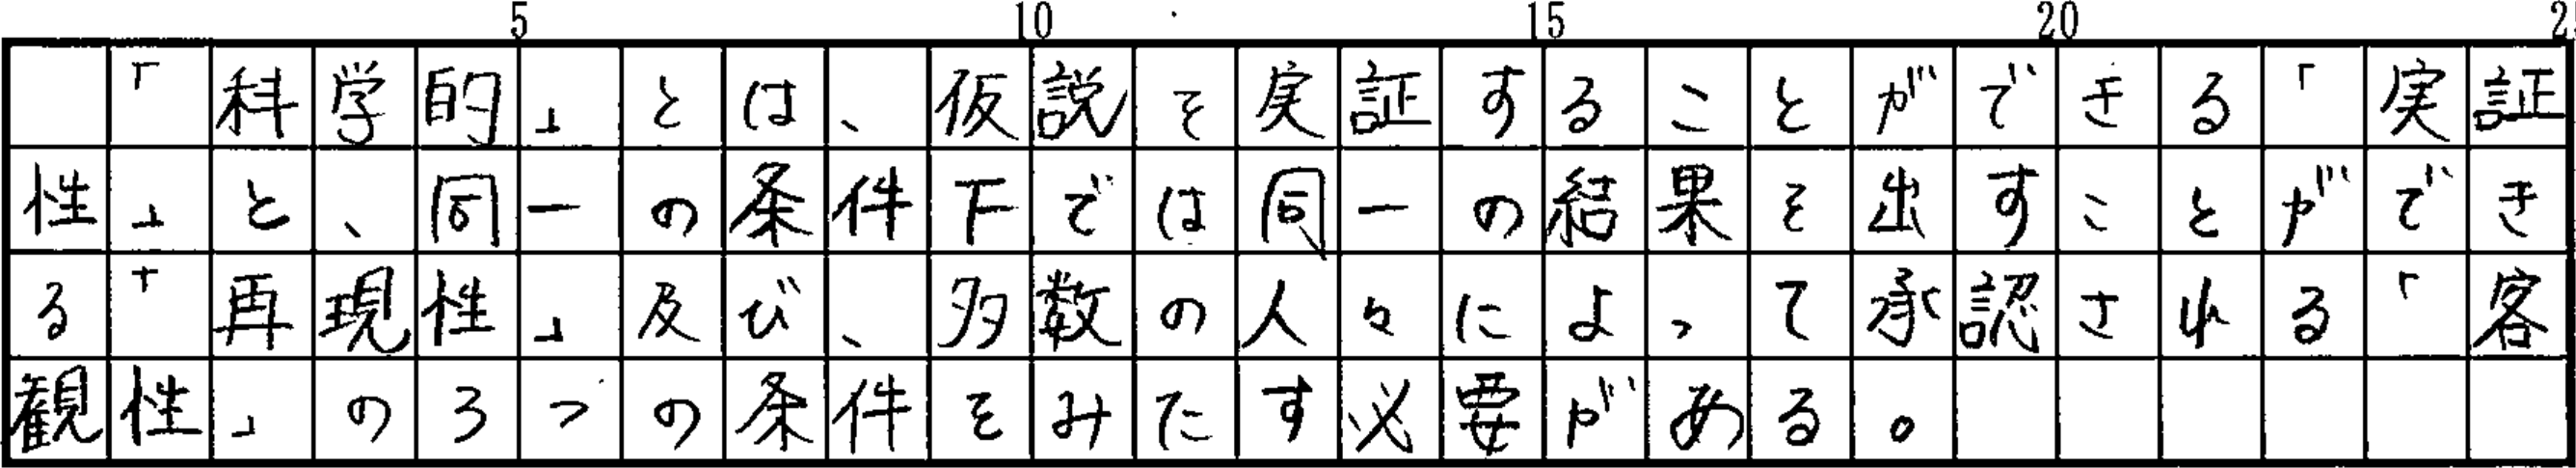　「科学的」とは、仮説を実証することができる「実証性」と、同一の条件下では同一の結果を出すことができる「再現性」及び、多数の人々によって承認される「客観性」の３つの条件をみたす必要がある。
